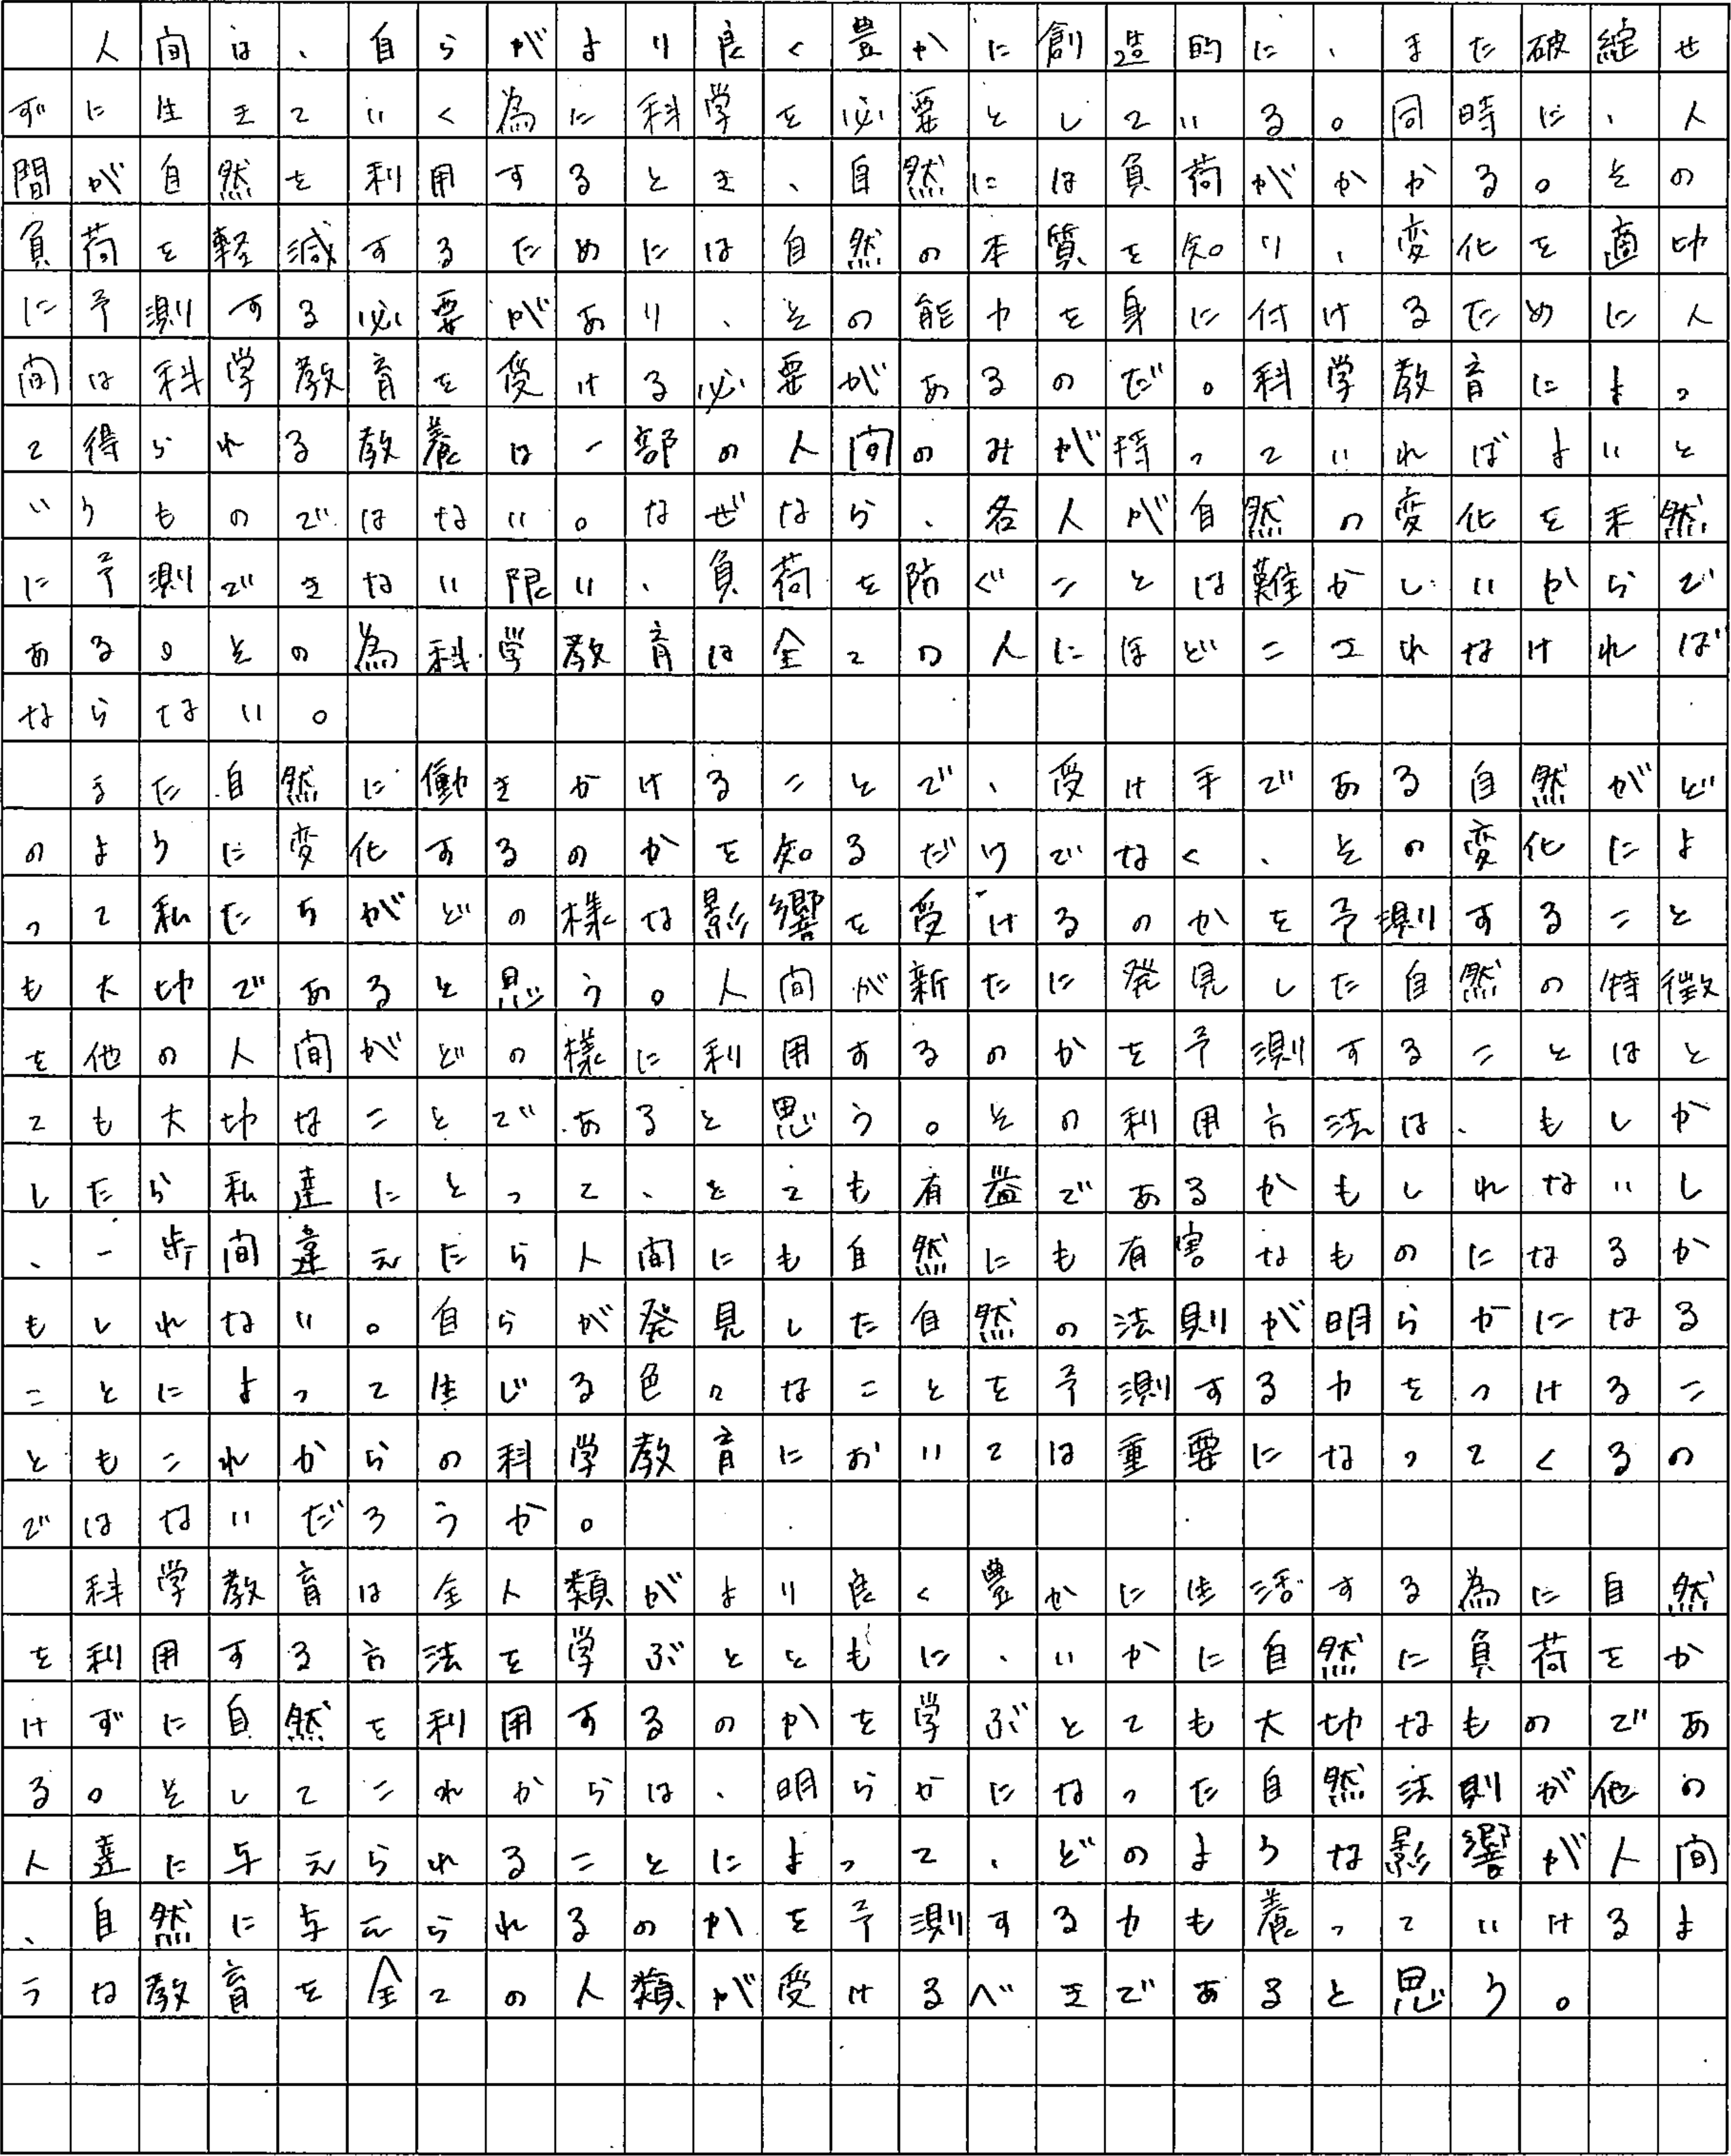　人間は、自らがより良く豊かに創造的に、また破綻せずに生きていく為に科学を必要としている。同時に、人間が自然を利用するとき、自然には負荷がかかる。その負荷を軽減するためには自然の本質を知り、変化を適▁に予測する必要があり、その能力を身に付けるために人間は科学教育を受ける必要があるのだ。科学教育によって得られる教養は一部の人間のみが持っていればよいというものではない。なぜなら、各人が自然の変化を未然に予測できない限り、負荷を防ぐことは難かしいからである。その為科学教育は全ての人にほどこされなければならない。
　また自然に働きかけることで、受け手である自然がどのように変化するのかを知るだけでなく、その変化によって私たちがどの様な影響を受けるのかを予測することも大▁であると思う。人間が新たに発見した自然の特徴を他の人間がどの様に利用するのかを予測することはとても大▁なことであると思う。その利用方法は、もしかしたら私▁にとって、とても有▁であるかもしれないし、一歩間違えたら人間にも自然にも有害なものになるかもしれない。自らが発見した自然の法則が明らかになることによって生じる色々なことを予測する力をつけることもこれからの科学教育においては重要になってくるのではないだろうか。
　科学教育は全人類がより良く豊かに生活する為に自然を利用する方法を学ぶとともに、いかに自然に負荷をかけずに自然を利用するのかを学ぶとても大▁なものである。そしてこれからは、明らかになった自然法則が他の人▁に与えられることによって、どのような影響が人間、自然に与えられるのかを予測する力も養っていけるような教育を全ての人類が受けるべきであると思う。
